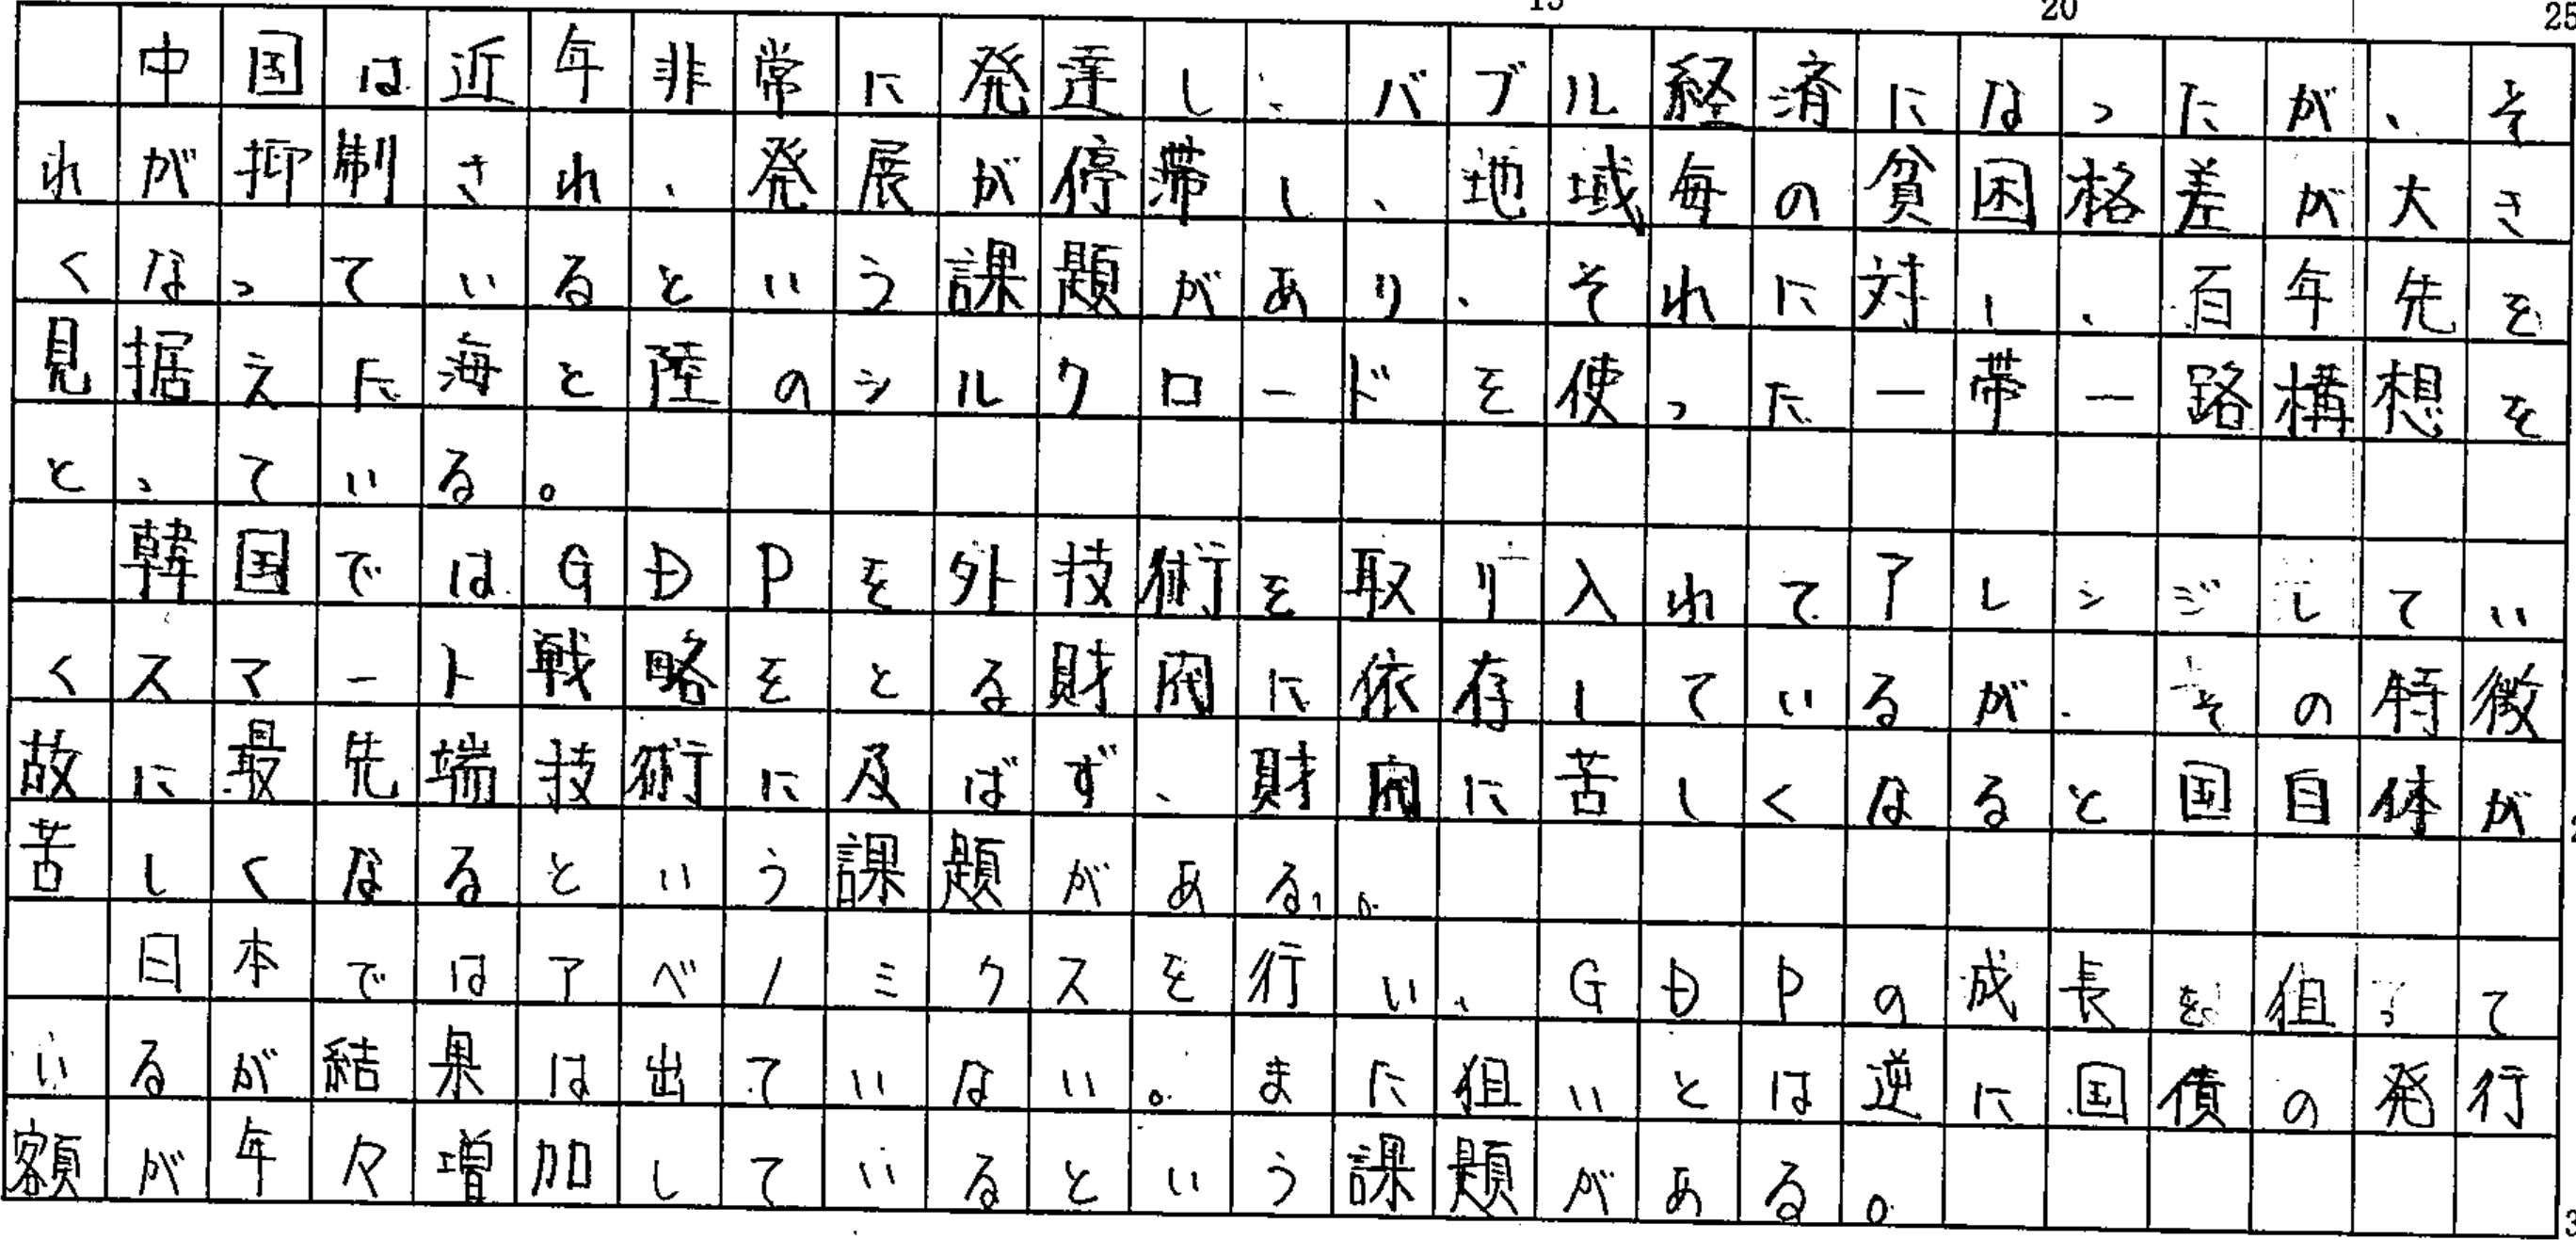　中国は近年非常に発達し、バブル経済になったが、それが抑制され、発展が停滞し、地域毎の貧困格差が大きくなっているという課題があり、それに対し、百年先を見据えた海と陸のシルクロードを使った一帯一路構想をとっている。
　韓国ではＧＤＰを外技術を取り入れてアレンジしていくスマート戦略をとる財閥に依存しているが、その特徴故に最先端技術に及ばず、財▁に苦しくなると国自体が苦しくなるという課題がある。
　日本ではアベノミクスを行い、ＧＤＰの成長を狙っているが結果は出ていない。また狙いとは逆に国債の発行額が年々増加しているという課題がある。
